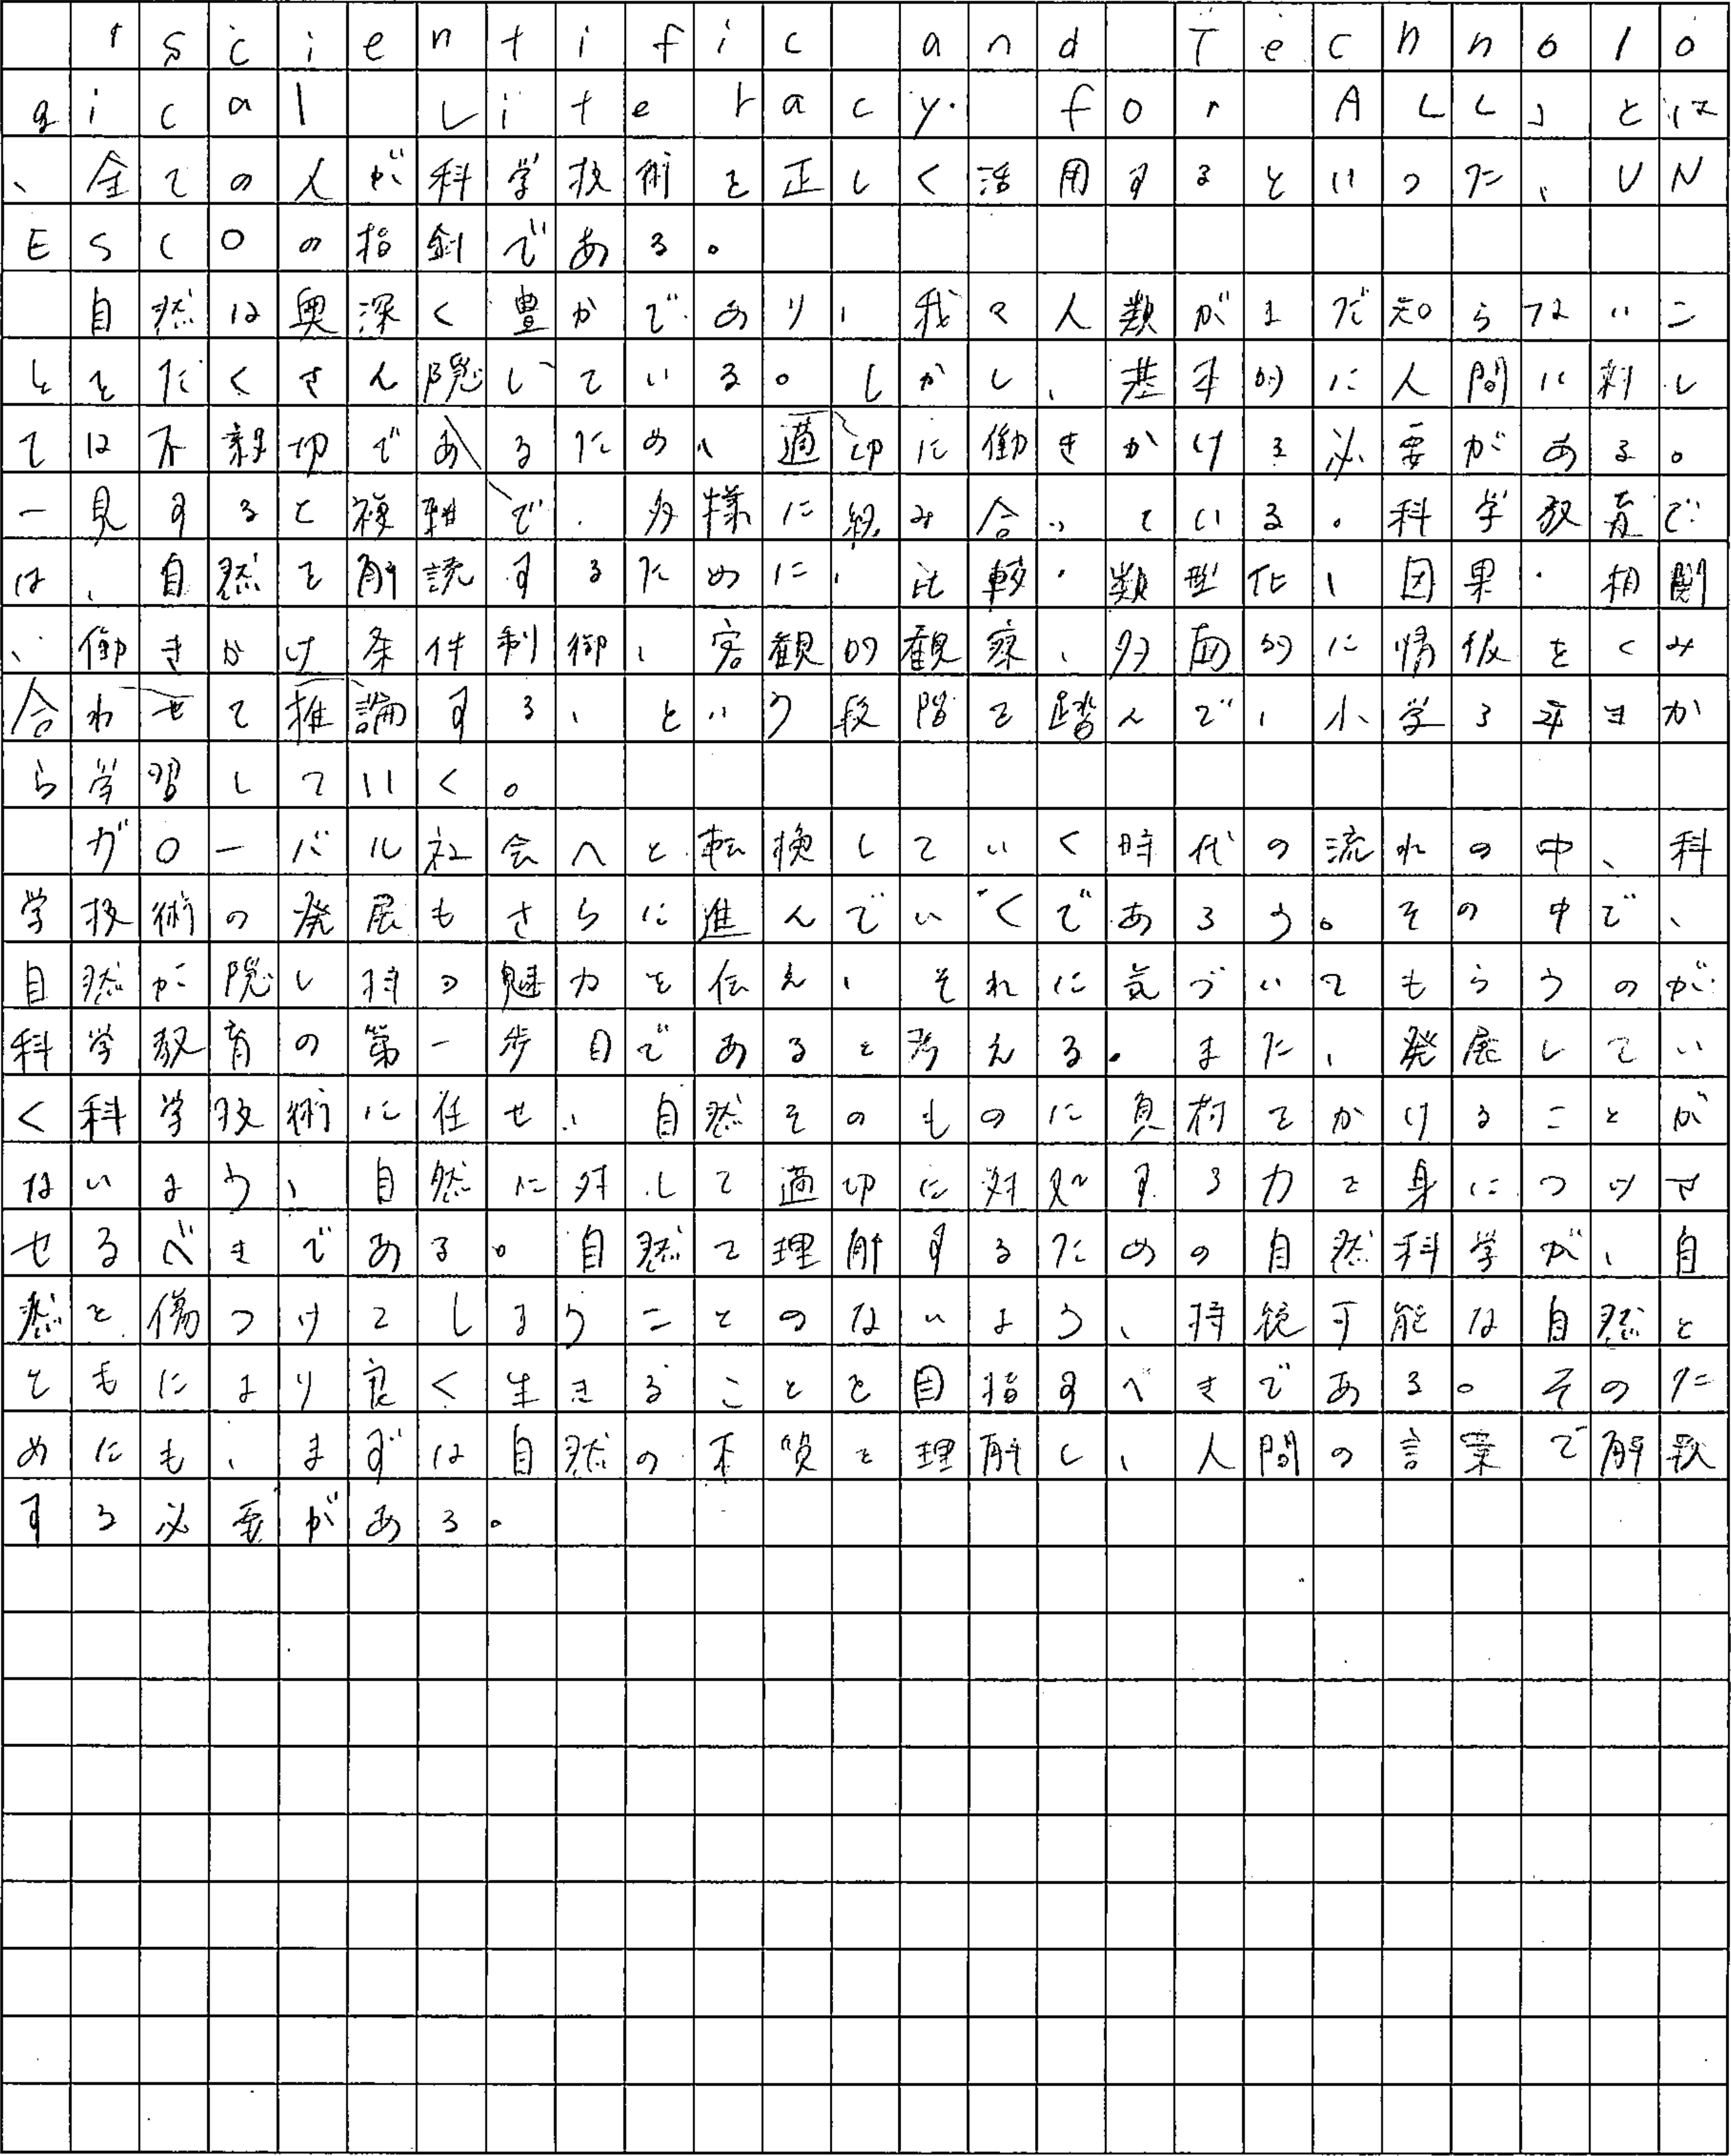　「Ｓｃｉｅｎｔｉｆｉｃ　ａｎｄ　Ｔｅｃｈｎｏｌｏｇｉｃａｌ　Ｌｉｔｅｒａｃｙ　ｆｏｒ　ＡＬＬ」とは、全ての人が科学技術を正しく活用するといった、ＵＮＥＳＣＯの指針である。
　自然は奥深く豊かであり、我々人類がまだ知らないことをたくさん隠している。しかし、基本的に人間に対しては不親切であるため、適切に働きかける必要がある。一見すると複雑で、多様に絡み合っている。科学教育では、自然を▁読するために、比較・類型化、因果・相関、働きかけ条件制御、客観的観察、多面的に情報をくみ合わせて推論する、という段階を踏んで、小学３年生から学習していく。
　グローバル社会へと転換していく時代の流れの中、科学技術の発展もさらに進んでいくであろう。その中で、自然が隠し持つ魅力を伝え、それに気づいてもらうのが科学教育の第一歩目であると考える。また、発展していく科学技術に任せ、自然そのものに負荷をかけることがないよう、自然に対して適切に対処する力を身につけさせるべきである。自然を理▁するための自然科学が、自然を傷つけてしまうことのないよう、持続可能な自然とともにより良く生きることを目指すべきである。そのためにも、まずは自然の本質を理解し、人間の言葉で解釈する必要がある。
